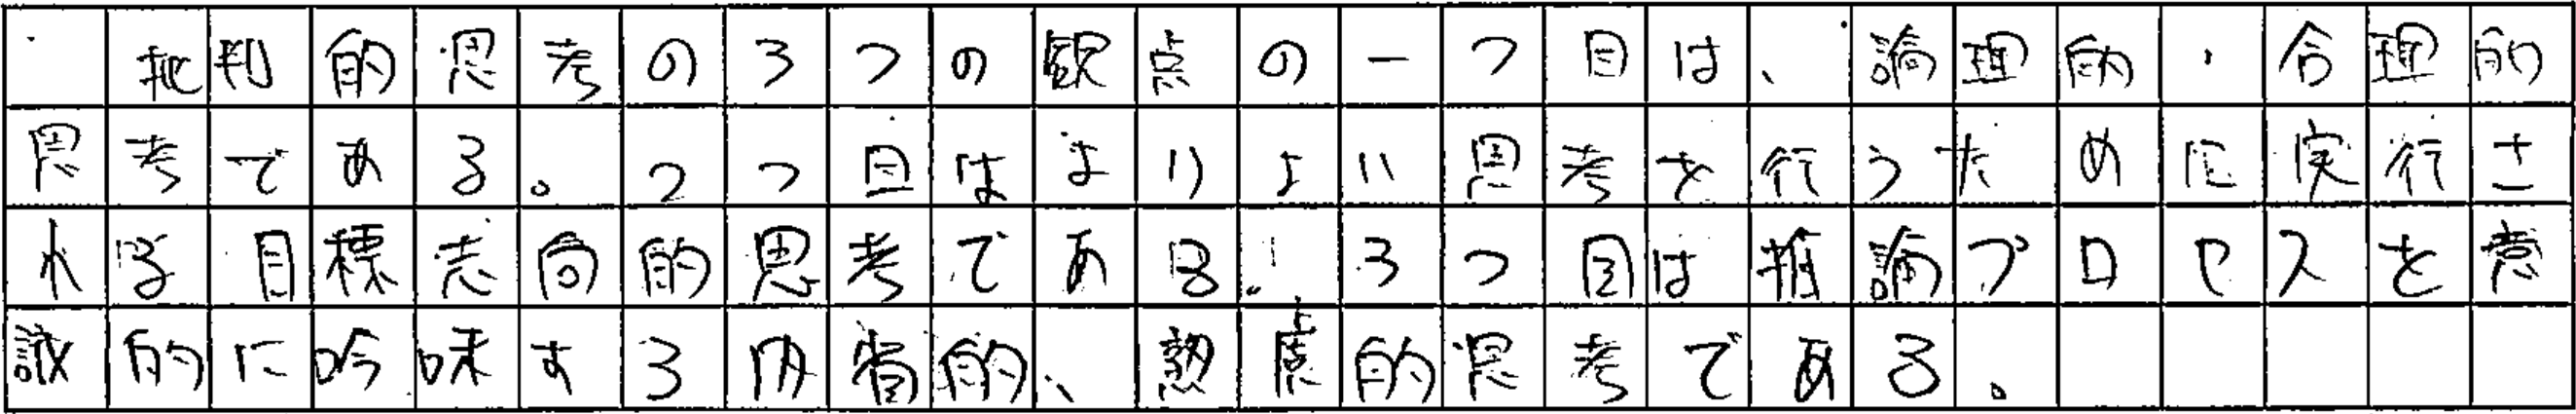　批判的思考の３つの観点の一つ目は、論理的・合理的思考である。２つ目はよりよい思考を行うために実行される目標志向的思考である。３つ目は推論プロセスを意識的に吟味する内省的、熟慮的思考である。
